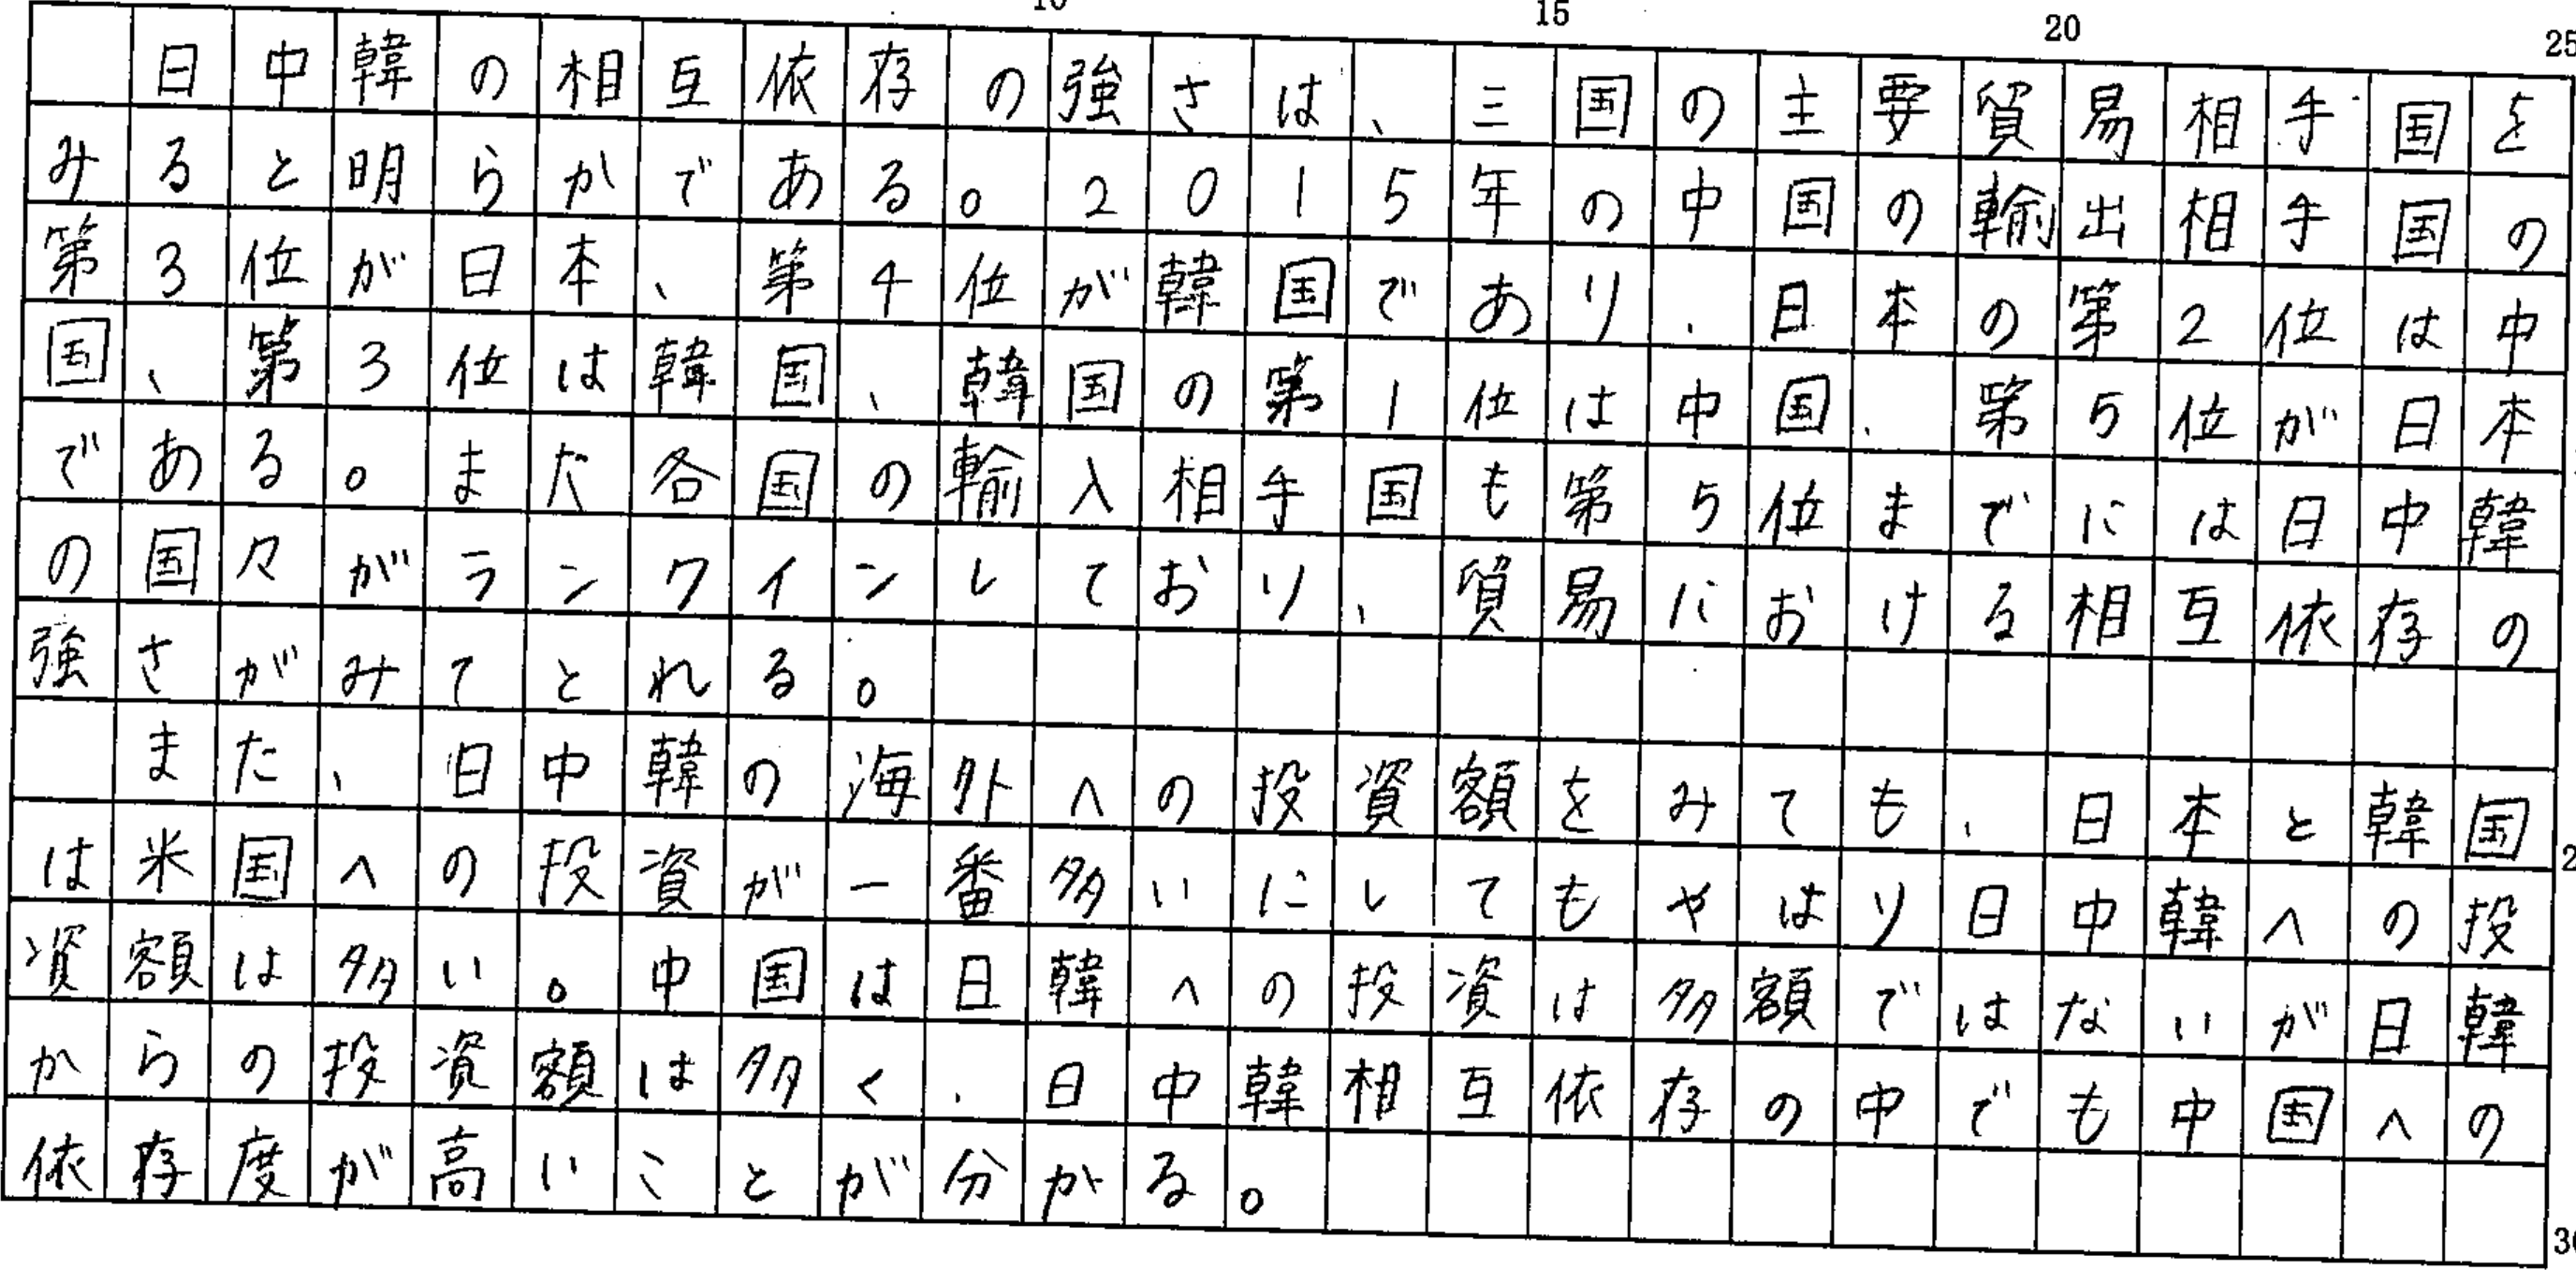　日中韓の相互依存の強さは、三国の主要貿易相手国をみると明らかである。２０１５年の中国の輸出相手国の第３位が日本、第４位が韓国であり、日本の第２位は中国、第３位は韓国、韓国の第１位は中国、第５位が日本である。また各国の輸入相手国も第５位までには日中韓の国々がランクインしており、貿易における相互依存の強さがみてとれる。
　また、日中韓の海外への投資額をみても、日本と韓国は米国への投資が一番多いにしてもやはり日中韓への投資額は多い。中国は日韓への投資は多額ではないが日韓からの投資額は多く、日中韓相互依存の中でも中国への依存度が高いことが分かる。
